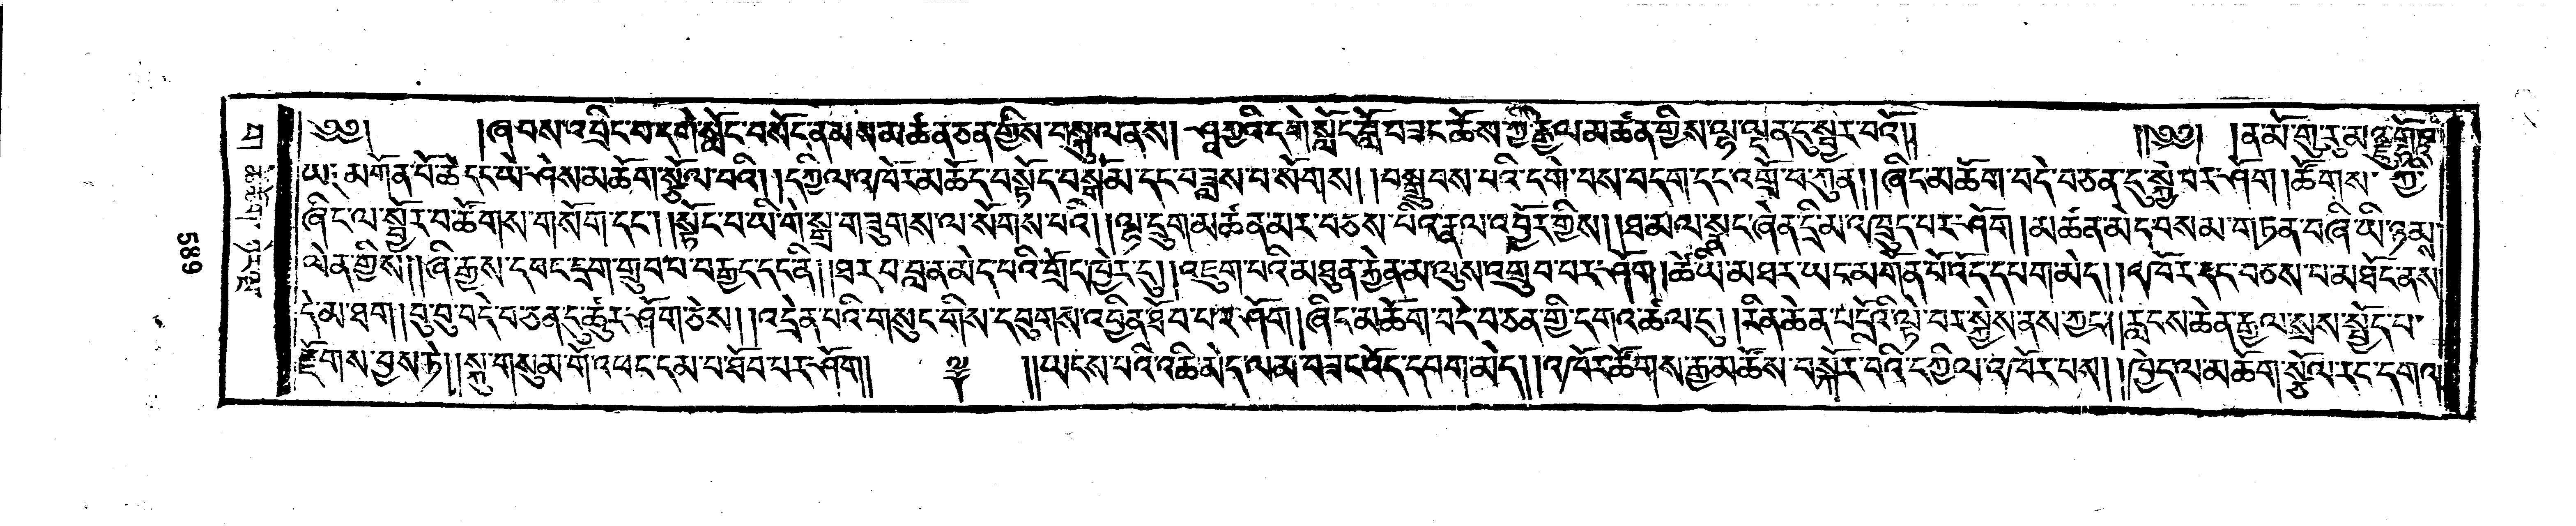༄༅། །ཞབས་འབྲིང་བ་དགེ་སློང་བསོད་ནམས་མཚན་ཅན་གྱིས་བསྐུལ་ནས། ཤཱཀྱའི་དགེ་སློང་བློ་བཟང་ཆོས་ཀྱི་རྒྱལ་མཚན་གྱིས་ལྷ་ལྡན་དུ་སྦྱར་བའོ།། །།༄༅། །ན་མོ་གུ་རུ་མཉྫུ་གྷོ་ཥཱ་
ཡ། མགོན་པོ་ཚེ་དང་ཡེ་ཤེས་མཆོག་སྩོལ་བའི། །དཀྱིལ་འཁོར་མཆོད་བསྟོད་བསྒོམ་དང་བཟླས་པ་སོགས། །བསྒྲུབས་པའི་དགེ་བས་བདག་དང་འགྲོ་བ་ཀུན། །ཞིང་མཆོག་བདེ་བ་ཅན་དུ་སྐྱེ་བར་ཤོག །ཚོགས་ཀྱི་
ཞིང་ལ་སྦྱོར་བ་ཚོགས་གསོག་དང་། །སྟོང་པ་ཡི་གེ་སྒྲ་གཟུགས་ལ་སོགས་པའི། །ལྷ་དྲུག་མཚན་མར་བཅས་པའི་རྣལ་འབྱོར་གྱིས། །ཐ་མལ་སྣང་ཞེ་ན་དྲི་མ་འཁྲུད་པར་ཤོག །མཚན་མེད་བསམ་གཏན་བཞི་ཡི་ཉམས་
ལེན་གྱིས། །ཞི་རྒྱས་དབང་དྲག་གྲུབ་པ་བརྒྱད་དང་ནི། །ཐར་པ་བླ་ན་མེད་པའི་གྲོང་ཁྱེར་དུ། །འཇུག་པའི་མཐུན་རྐྱེན་མ་ལུས་འགྲུབ་པར་ཤོག །ཚེ་ཡི་མཐར་ཡང་མགོན་པོ་འོད་དཔག་མེད། །འཁོར་དང་བཅས་པ་མཐོང་ནས་
དེ་མ་ཐག །བུ་བུ་བདེ་བ་ཅན་དུ་ཚུར་ཤོག་ཅེས། །འདྲེན་པའི་གསུང་གིས་དབུགས་འབྱིན་ཐོབ་པར་ཤོག །ཞིང་མཆོག་བདེ་བ་ཅན་གྱི་དགའ་ཚལ་དུ། །རིན་ཆེན་པདམོའི་ལྟེ་བར་སྐྱེས་ནས་ཀྱང་། །རླབས་ཆེན་རྒྱལ་སྲས་སྤྱོད་པ་
རྫོགས་བྱས་ཏེ། །སྐུ་གསུམ་གོ་འཕང་དམ་པ་ཐོབ་པར་ཤོག ། ༈ །།ཡངས་པའི་འཆི་མེད་ལམ་བཟང་འོད་དཔག་མེད། །འཁོར་ཚོགས་རྒྱ་མཚོས་བསྐོར་བའི་དཀྱིལ་འཁོར་པས། །ཁྱོད་ལ་མཆོག་སྩོལ་རང་དགའ་